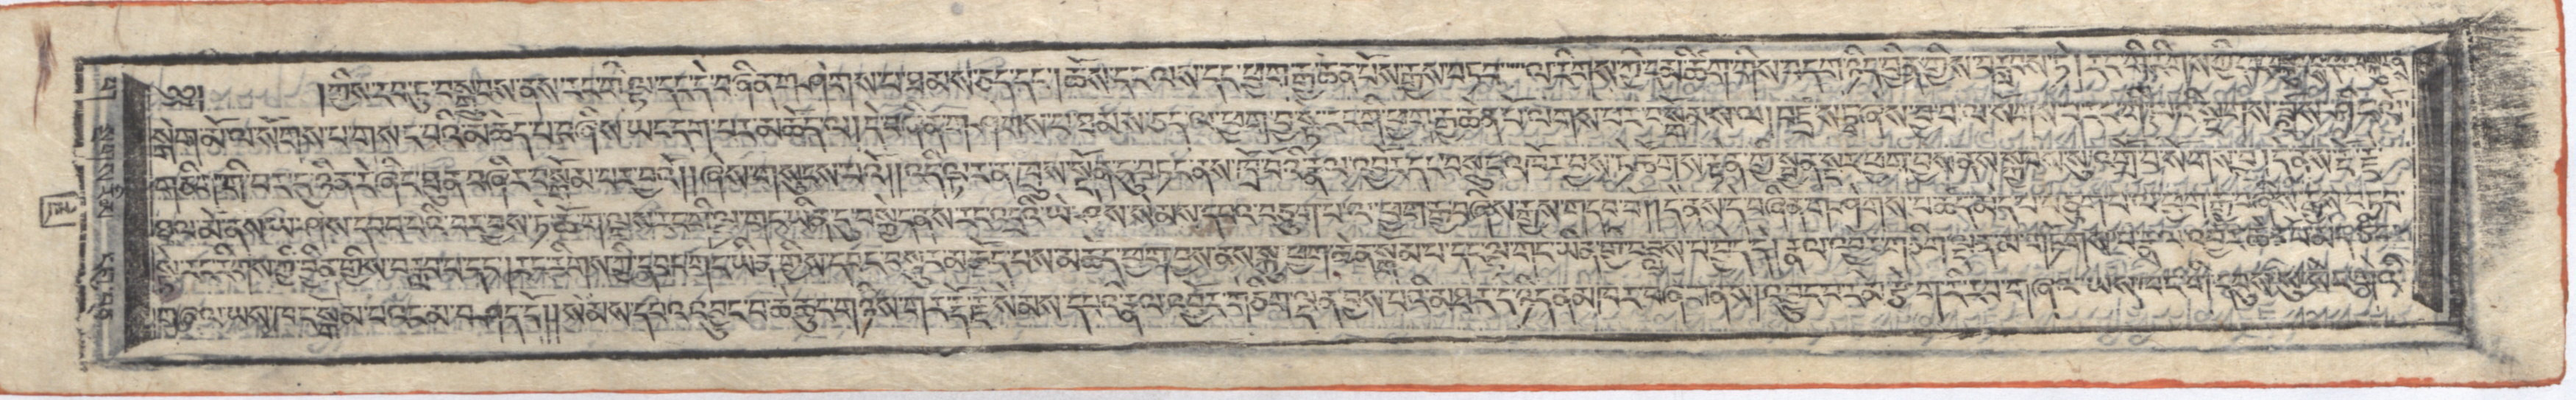༄༅། །ཀྱིས་རབ་ཏུ་བསྒྲུབས་ནས་རང་གི་ལྷ་དང་དེ་བཞིན་གཤེགས་པ་ཐམས་ཅད་དང་། ཆོས་དང་ལས་དང་ཕྱག་རྒྱ་ཆེན་པོས་རྒྱས་བཏབ་ལ་རིགས་ཀྱི་དམ་ཚིག་གིས་བདག་ཉིད་བྱིན་གྱིས་བརླབས་ཏེ། རང་གི་རིགས་ཀྱི་དབང་བསྐུར་བས་དབང་བསྐུར་ནས་
སྒེག་མོ་ལ་སོགས་པ་གསང་བའི་མཆོད་པ་བཞིས་ཡང་དག་པར་མཆོད་ལ། དེ་བཞིན་གཤེགས་པ་ཐམས་ཅད་ལ་ཕྱག་བྱ་སྟེ་རང་གི་ཕྱག་རྒྱ་ཆེན་པོ་ལེགས་པར་བསྒོམས་ལ། བཛྲ་སཏྭ་ཞེས་བྱ་བ་ལ་སོགས་པ་རང་གི་ལྷའི་སྔགས་ཟློས་ཤིང་ལོ་
གཅིག་གི་བར་དུ་ཉིན་རེ་ཞིང་ཐུན་བཞིར་བསྒོམ་པར་བྱའོ། །ཞེས་གསུངས་པའོ། །འདི་ལྟར་ན་ཁྲུས་སྔོན་དུ་བཏང་ནས་ཁྲོ་བོའི་རྣལ་འབྱོར་དང་བསྲུང་འཁོར་བྱས་ཏེ་ཚོགས་རྟེན་གྱི་སྤྱན་སྔར་ཕྱག་བྱས་ནས་སྐྱབས་སུ་འགྲོ་བ་སོགས་བྱ། དེ་ནས་རྡོ་རྗེ་
ཐལ་མོ་ནས་ཡེ་ཤེས་དབབ་པའི་བར་བྱས་ཏེ་ཆོ་ག་ལྔས་རང་གི་ལྷ་གང་ཡིན་དུ་བསྐྱེད་ནས་རང་འདྲའི་ཡེ་ཤེས་སེམས་དཔའ་བཅུག་པ་ལ་ཕྱག་རྒྱ་བཞིས་རྒྱས་གདབ་བོ། །དེ་ནས་དེ་བཞིན་གཤེགས་པ་ཚད་མེད་པ་བཅུག་པ་ལ་ཕྱག་རྒྱ་བཞིས་རྒྱས་བཏབ་
སྟེ་རང་རིགས་ཀྱི་བྱིན་གྱིས་བརླབ་པ་དང་། རང་རིགས་ཀྱི་དབང་གང་ཡིན་གྱིས་དབང་བསྐུར་མཆོད་པས་མཆོད་ཕྱག་བྱས་ནས་སྐུ་ཕྱག་ཆེན་སྒོམ་པ་དང་ལྷ་གང་ཡིན་གྱི་བཟླས་པ་བྱེད་དེ། རྣལ་འབྱོར་གཅིག་ལྡན་མ་གཏོགས་པ་རྣལ་འབྱོར་ཆེན་པོ་མེད་ཅིང་
གཞལ་ཡས་ཁང་སྒོམ་པའང་མ་བཤད་དོ། །སེམས་དཔའ་འབྱུང་བ་ཆེ་ཆུང་གཉིས་གར་རྡོ་རྗེ་སེམས་དཔའི་རྣལ་འབྱོར་གཅིག་ལྡན་བྱས་པའི་མཐར་དེ་ཉིད་ནམ་མཁར་བཞག་ནས། འབྱུང་བ་རིམ་རྩེག་རི་རབ་གཞལ་ཡས་ཁང་གི་དབུས་སུ་སེང་གེའི་